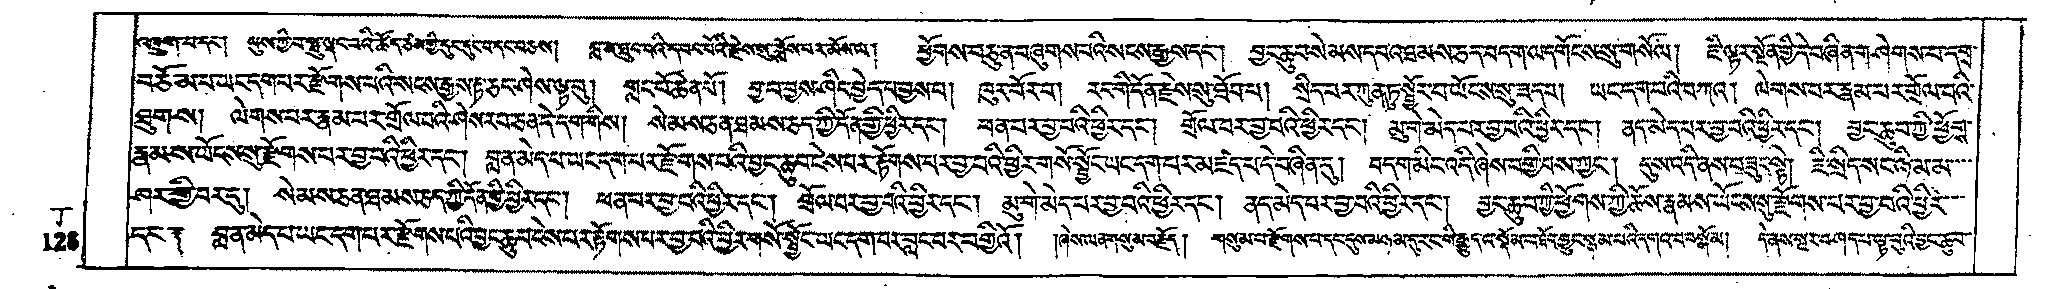འཁྲུག་པ་དང་། ལུས་ཀྱི་བ་སྤུ་ལྡན་བའི་ཚོད་ཙམ་གྱི་དུང་དུང་བ་དང་བཅས། བླ་མ་ཐུབ་པའི་དབང་པོའི་རྗེས་སུ་ཟློས་པར་མོས་ལ། ཕྱོགས་བཅུ་ན་བཞུགས་པའི་སངས་རྒྱས་དང་། བྱང་ཆུབ་སེམས་དཔའ་ཐམས་ཅད་བདག་ལ་དགོངས་སུ་གསོལ། ཇི་ལྟར་སྔོན་གྱི་དེ་བཞིན་གཤེགས་པ་དགྲ་
བཅོམ་པ་ཡང་དག་པར་རྫོགས་པའི་སངས་རྒྱས་རྟ་ཅང་ཤེས་ལྟ་བུ། གླང་པོ་ཆེན་པོ། བྱ་བ་བྱས་ཤིང་བྱེད་པ་བྱས་པ། ཁུར་བོར་བ། རང་གི་དོན་རྗེས་སུ་ཐོབ་པ། སྲིད་པར་ཀུན་ཏུ་སྦྱོར་བ་ཡོངས་སུ་ཟད་པ། ཡང་དག་པའི་བཀའ། ལེགས་པར་རྣམ་པར་གྲོལ་བའི་
ཐུགས། ལེགས་པར་རྣམ་པར་གྲོལ་བའི་ཤེས་རབ་ཅན་དེ་དག་གིས། སེམས་ཅན་ཐམས་ཅད་ཀྱི་དོན་གྱི་ཕྱིར་དང་། ཕན་པར་བྱ་བའི་ཕྱིར་དང་། གྲོལ་བར་བྱ་བའི་ཕྱིར་དང་། མུ་གེ་མེད་པར་བྱ་བའི་ཕྱིར་དང་། ནད་མེད་པར་བྱ་བའི་ཕྱིར་དང་། བྱང་ཆུབ་ཀྱི་ཕྱོགས་
རྣམས་ཡོངས་སུ་རྫོགས་པར་བྱ་བའི་ཕྱིར་དང་། བླ་ན་མེད་པ་ཡང་དག་པར་རྫོགས་པའི་བྱང་ཆུབ་ངེས་པར་རྫོགས་པར་བྱ་བའི་ཕྱིར་གསོ་སྦྱོང་ཡང་དག་པར་མཛད་པ་དེ་བཞིན་དུ། བདག་མིང་འདི་ཞེས་བགྱི་བས་ཀྱང་། དུས་འདི་ནས་བཟུང་སྟེ། ཇི་སྲིད་སང་ཉི་མ་མ་་་
ཤར་གྱི་བར་དུ། སེམས་ཅན་ཐམས་ཅད་ཀྱི་དོན་གྱི་ཕྱིར་དང་། ཕན་པར་བྱ་བའི་ཕྱིར་དང་། གྲོལ་བར་བྱ་བའི་ཕྱིར་དང་། མུ་གེ་མེད་པར་བྱ་བའི་ཕྱིར་དང་། ནད་མེད་པར་བྱ་བའི་ཕྱིར་དང་། བྱང་ཆུབ་ཀྱི་ཕྱོགས་ཀྱི་ཆོས་རྣམས་ཡོངས་སུ་རྫོགས་པར་བྱ་བའི་ཕྱིར་་་
དང༑ བླ་ན་མེད་པ་ཡང་དག་པར་རྫོགས་པའི་བྱང་ཆུབ་ངེས་པར་རྟོགས་པར་བྱ་བའི་ཕྱིར་གསོ་སྦྱོང་ཡང་དག་པར་བླང་བར་བགྱིའོ། །ཞེས་ལན་གསུམ་བརྗོད། གསུམ་པ་རྫོགས་པ་དང་དུས་མཉམ་དུ་རང་གི་རྒྱུད་ལ་སྡོམ་པ་ཐོབ་བྱུང་སྙམ་པའི་དགའ་བ་བསྒོམ། དེ་ནས་སྔར་བཤད་པ་ལྟ་བུའི་བྱང་ཆུབ་་་